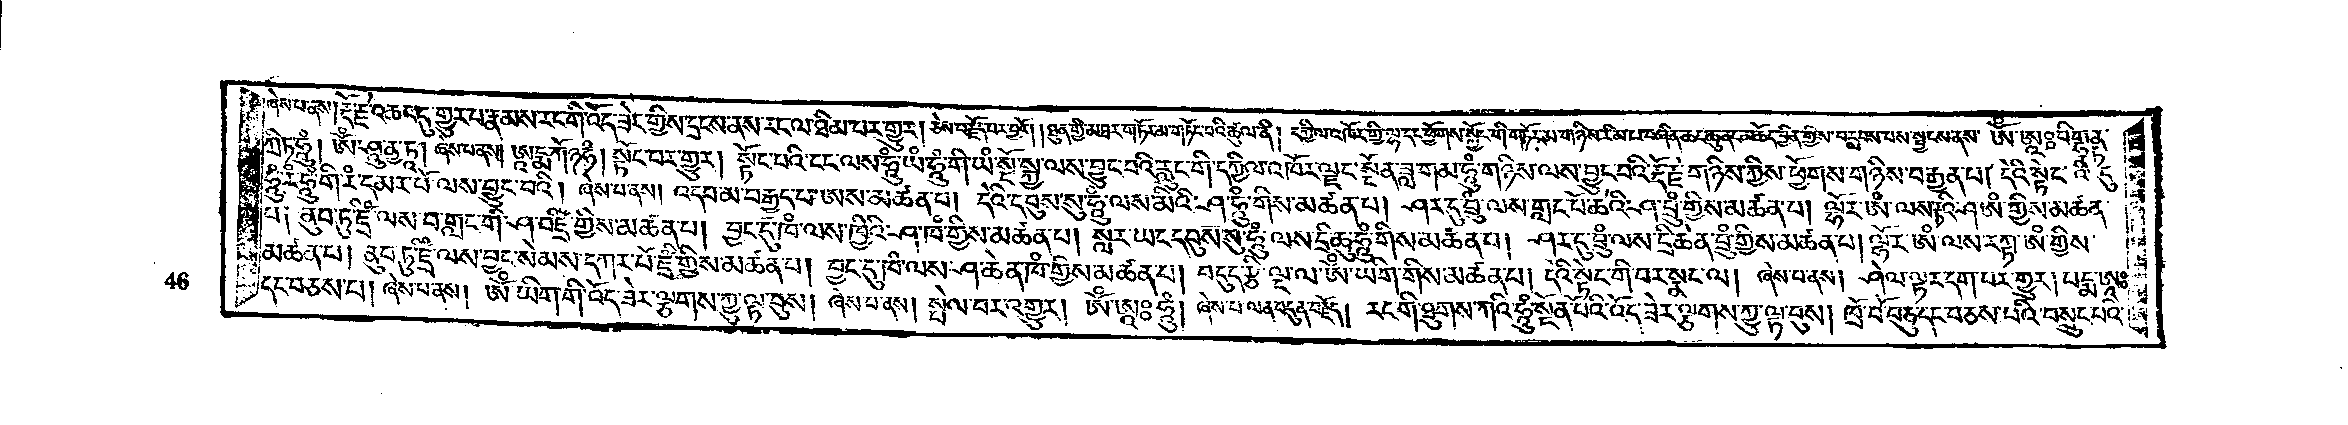ཞེས་པ་ནས།  རྡོ་རྗེ་འཆང་དུ་གྱུར་པ་རྣམས་རང་གི་འོད་ཟེར་གྱིས་དྲངས་ནས་རང་ལ་ཐིམ་པར་གྱུར། ཅེས་བརྗོད་པར་བྱའོ། །ཐུན་གྱི་མཐར་གཏོར་མ་གཏོང་བའི་ཚུལ་ནི། དཀྱིལ་འཁོར་གྱི་ལྷ་དང་ཕྱོགས་སྐྱོང་གི་གཏོར་མ་གཉིས་རིམ་པ་བཞིན་ཆང་ཆུ་ནང་མཆོད་བྱིན་གྱིས་བརླབས་པས་སྦྱངས་ནས།  ཨོཾ་ཨཱཿ བིགྷྣཱནྟ་
ཀྲིཏ་ཧཱུཾ། ཨོཾ་ཤཱུ་ནྱ་ཏཱ། ཞེས་པ་ནས།  ཨཱདམ་ཀོཉ་ཧཾ། སྟོང་པར་གྱུར། སྟོང་པའི་ངང་ལས་ཧཱུཾ་ཡཾ་ཧཱུཾ་གི་ཡཾ་སྔོ་སྐྱ་ལས་བྱུང་བའི་རླུང་གི་དཀྱིལ་འཁོར་ལྗང་སྔོན་ཟླ་གམ་ཧཱུཾ་གཉིས་ལས་བྱུང་བའི་རྡོ་རྗེ་གཉིས་ཀྱིས་ཕྱོགས་གཉིས་བརྒྱན་པ། དེའི་སྟེང་དུ་
ཧཱུཾ་རཾ་ཧཱུཾ་གི་རཾ་དམར་པོ་ལས་བྱུང་བའི། ཞེས་པ་ནས།  འདབ་མ་བརྒྱད་པ་ཨས་མཚན་པ། དེའི་དབུས་སུ་ཧཱུཾ་ལས་མིའི་ཤ་ཧཱུཾ་གིས་མཚན་པ། ཤར་དུ་བྲུཾ་ལས་གླང་པོ་ཆེའི་ཤ་བྲུཾ་གྱིས་མཚན་པ། ལྷོར་ཨཾ་ལས་རྟའི་ཤ་ཨཾ་གྱིས་མཚན་
པ། ནུབ་ཏུ་ཛྲིཾ་ལས་བ་གླང་གི་ཤ་བཛྲིཾ་གྱིས་མཚན་པ། བྱང་དུ་ཁཾ་ལས་ཁྱིའི་ཤ་ཁཾ་གྱིས་མཚན་པ། སླར་ཡང་དབུས་སུ་ཧཱུཾ་ལས་དྲི་ཆུ་ཧཱུཾ་གིས་མཚན་པ། ཤར་དུ་བྲུཾ་ལས་དྲི་ཆེན་བྲུཾ་གྱིས་མཚན་པ། ལྷོར་ཨཾ་ལས་རཀྟ་ཨཾ་གྱིས་
མཚན་པ། ནུབ་ཏུ་ཛྲིཾ་ལས་བྱང་སེམས་དཀར་པོ་ཛྲིཾ་གྱིས་མཚན་པ། བྱང་དུ་ཁཾ་ལས་ཤ་ཆེན་ཁཾ་གྱིས་མཚན་པ། བདུད་རྩི་ལྔ་ལ་ཨོཾ་ཡིག་གིས་མཚན་པ། དེའི་སྟེང་གི་བར་སྣང་ལ། ཞེས་པ་ནས།  ཤེལ་ལྟར་དག་པར་གྱུར། པདམ་ཨཱཿ
དང་བཅས་པ། ཞེས་པ་ནས།  ཨོཾ་ཡིག་གི་འོད་ཟེར་ལྕགས་ཀྱུ་ལྟ་བུས། ཞེས་པ་ནས།  སྤེལ་བར་འགྱུར། ཨོཾ་ཨཱཿ ཧཱུཾ། ཞེས་པ་ལན་བདུན་བརྗོད།  རང་གི་ཐུགས་ཀའི་ཧཱུཾ་སྔོན་པོའི་འོད་ཟེར་ལྕགས་ཀྱུ་ལྟ་བུས། ཁྲོ་བོ་བཅུ་དང་བཅས་པའི་བསྲུང་བའི་